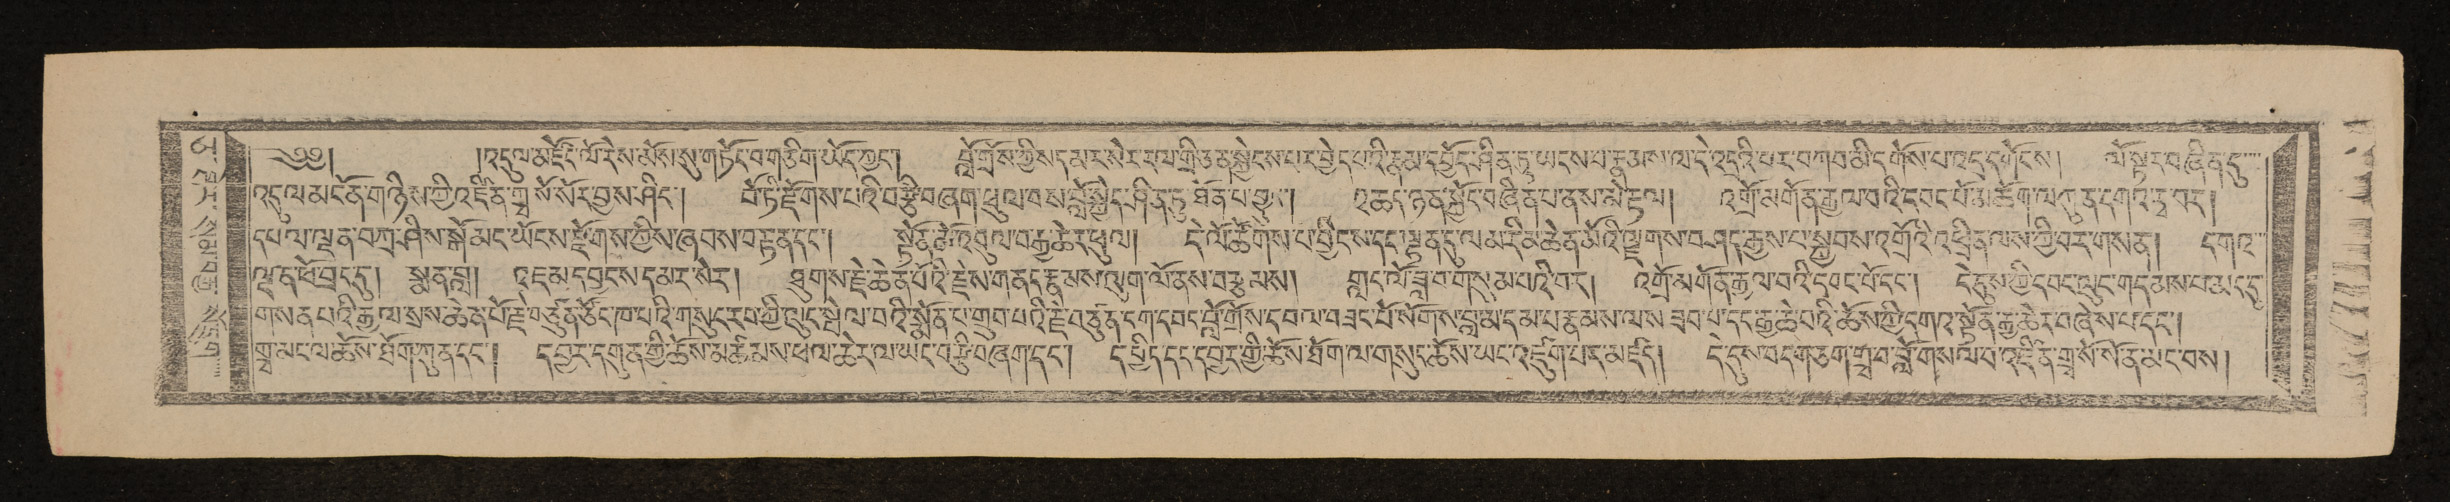༄༅། །འདུལ་མཛོད་ལོ་རེས་མོས་སུ་གཏོང་བ་གཅིག་ཡོད་ཀྱང་། བློ་གྲོས་ཀྱིས་དམར་སེར་རལ་གྲི་ཅན་སྐྱེངས་པར་བྱེད་པའི་རྣམ་དཔྱོད་ཤིན་ཏུ་ཡངས་པ་རྣམས་ལ་དེ་འདྲའི་པར་བཀབ་མི་དགོས་པ་འདྲ་དགོངས། ལོ་སྟར་བཞིན་དུ་
འདུལ་མངོན་གཉིས་ཀྱི་འཛིན་གྲྭ་སོ་སོར་བྱས་ཤིང་། པོ་ཏི་རྫོགས་པའི་བརྩི་བཞག་ཕུལ་བས་བློ་སྐྱེད་ཤིན་ཏུ་ཐོན་པ་བྱུང་། འཆད་ཉན་སྐྱོང་བཞིན་བ་ནས་མེ་རྟ་ལ། འགྲོ་མགོན་རྒྱལ་བའི་དབང་པོ་མཆོག་ལ་ཀུན་དགའ་རྭ་བར།
དཔལ་ལྡན་བཀྲ་ཤིས་སྒོ་མང་ཡོངས་རྫོགས་ཀྱིས་ཞབས་བརྟན་དང་། སྟོན་མོ་འབུལ་བ་རྒྱ་ཆེར་ཕུལ། དེ་ལོ་ཚོགས་པ་བྱིངས་དང་ལྷན་དུ་ལམ་རིམ་ཆེན་མོའི་ལྗགས་བཤད་རྒྱས་པ་སྐྱབས་འགྲོའི་འཕྲིན་ལས་ཀྱི་བར་གསན། དགའ་
ལྡན་ཕོ་བྲང་དུ། སྨན་བླ། འཇམ་དབྱངས་དམར་སེར། ཐུགས་རྗེ་ཆེན་པོའི་རྗེས་གནང་རྣམས་ལུག་ལོ་ནས་བརྩམས། གླང་ལོ་ཟླ་བ་གསུམ་པའི་བར། འགྲོ་མགོན་རྒྱལ་བའི་དབང་པོ་དང་། དེ་དུས་ཀྱི་དབང་ལུང་གདམས་པ་མང་དུ་
གསན་པའི་རྒྱལ་སྲས་ཆེན་པོ་རྗེ་བཙུན་ཙོང་ཁ་པའི་གསུང་རབ་ཀྱི་ལུང་སྤེལ་བའི་སྨོན་པ་གྲུབ་པའི་རྗེ་བཙུན་ངག་དབང་བློ་གྲོས་དཔལ་བཟང་པོ་སོགས་བླ་མ་དམ་པ་རྣམས་ལས་ཟབ་པ་དང་རྒྱ་ཆེ་བའི་ཆོས་ཀྱི་དགའ་སྟོན་རྒྱ་ཆེར་བཞེས་པ་དང་།
གྲྭ་མངལ་ཆོས་ཐོག་ཀུན་དང་། དབྱར་དགུན་གྱི་ཆོས་མཚམས་ཕལ་ཆེར་ལ་ཡང་བརྩི་བཞག་དང་། དཔྱིད་དང་དབྱར་གྱི་ཆོས་ཐོག་ལ་གསུང་ཆོས་ཡང་འཛུག་པར་མཛད། དེ་དུས་བདག་ཅག་གྲྭ་བ་བློ་གསལ་བ་འཛིན་གྲྭ་སོ་སོ་ན་མང་བས།